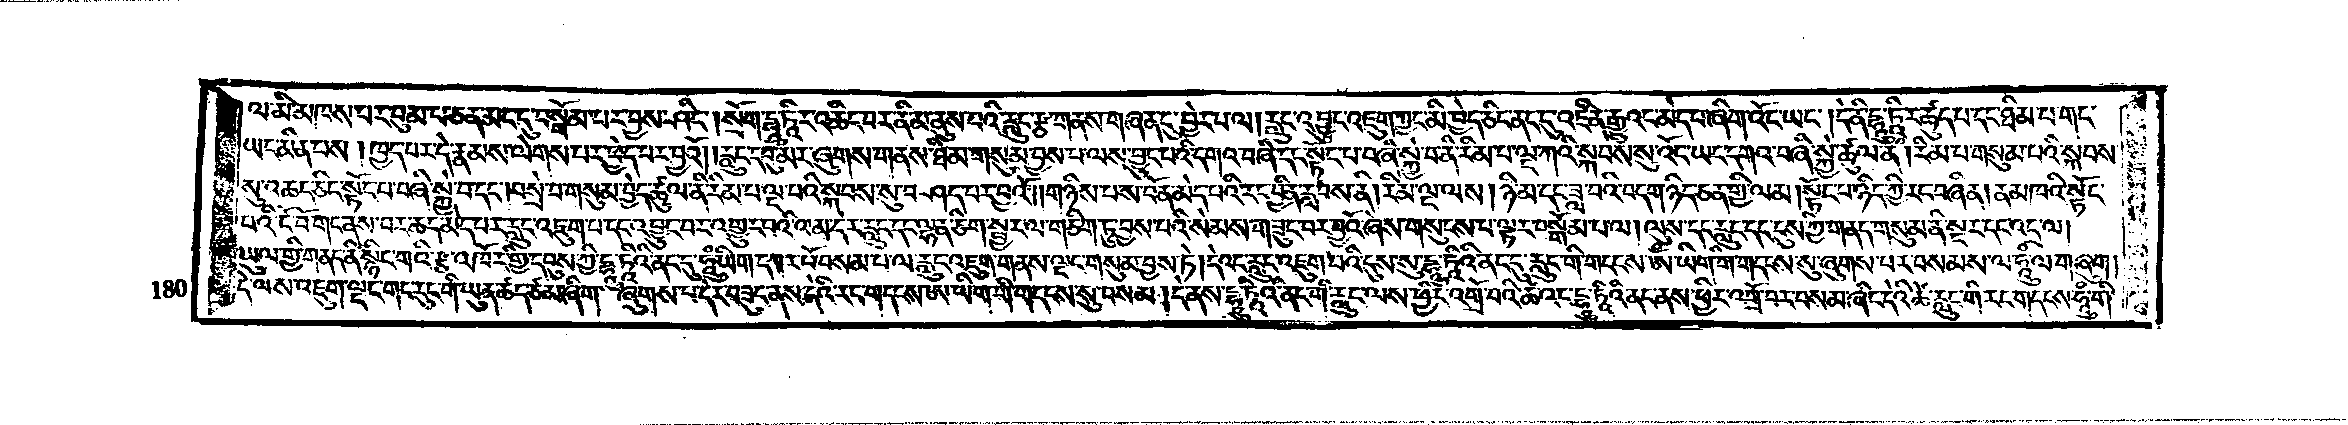ལ་མི་མཁས་པར་བུམ་པ་ཅན་མང་དུ་བསྒོམ་པར་བྱས་ཤིང་། སྲོག་དྷཱུ་ཏཱིར་འཆིང་བར་ནི་མ་ནུས་པའི་རླུང་རྩ་གནས་གཞན་དུ་བྱེར་པ་ལ། རླུང་འབྱུང་འཇུག་ཀྱང་མི་བྱེད་ཅིང་ནང་དུ་འཛིན་རྒྱུའང་མེད་པ་ཞིག་འོང་ཡང་། དེ་ནི་དྷཱུ་ཏཱིར་ཚུད་པ་དང་ཐིམ་པ་གང་
ཡང་མིན་པས། ཁྱད་པར་དེ་རྣམས་ལེགས་པར་ཕྱེད་པར་བྱའོ། །རླུང་དབུ་མར་ཞུགས་གནས་ཐིམ་གསུམ་བྱས་པ་ལས་བྱུང་བའི་དགའ་བཞི་དང་སྟོང་པ་བཞི་སྐྱེ་བ་ནི་རིམ་པ་ལྔ་ཀའི་སྐབས་སུ་འོང་ཡང་དགའ་བཞི་སྐྱེ་ཚུལ་ནི། རིམ་པ་གསུམ་པའི་སྐབས་
སུ་འཆད་ཅིང་སྟོང་པ་བཞི་སྐྱེ་བ་དང་། བསྲེ་བ་གསུམ་བྱེད་ཚུལ་ནི་རིམ་པ་ལྔ་བའི་སྐབས་སུ་བཤད་པར་བྱའོ། །གཉིས་པ་ས་བོན་མེད་པའི་རང་བྱིན་རླབས་ནི། རིམ་ལྔ་ལས། ཉི་མ་དང་ཟླ་བའི་བདག་ཉིད་ཅན་གྱི་ལམ། སྟོང་པ་ཉིད་ཀྱི་རང་བཞིན། ནམ་མཁའི་སྟོང་
པའི་ངོ་བོ་གང་ནས་བར་ཆད་མེད་པར་རླུང་འཇུག་པ་དང་འབྱུང་བར་འགྱུར་བའི་ལམ་དེར་རླུང་དང་ལྷན་ཅིག་སྦྱར་ལ་གཅིག་ཏུ་བྱས་པའི་སེམས་གཟུང་བར་བྱའོ་ཞེས་གསུངས་པ་ལྟར་བསྒོམ་པ་ལ། ལུས་དང་རླུང་དང་དུས་ཀྱི་གནད་གསུམ་ནི་སྔར་དང་འདྲ་ལ།
ཡུལ་གྱི་གནད་ནི་སྙིང་གའི་རྩ་འཁོར་གྱི་དབུས་ཀྱི་དྷཱུ་ཏཱིའི་ནང་དུ་ཧཱུཾ་ཡིག་དཀར་པོ་བསམ་པ་ལ་རླུང་འཇུག་གནས་ལྡང་གསུམ་བྱས་ཏེ། དེའང་རླུང་འཇུག་པའི་དུས་སུ་དྷཱུ་ཏཱིའི་ནང་དུ་རླུང་གི་གདངས་ཨོཾ་ཡིག་གི་གདངས་སུ་ཞུགས་པར་བསམས་ལ་ཧཱུཾ་ལ་གཞུག།
དེ་ལས་འཇུག་ལྡང་གང་རུང་གི་ཡུན་ཚད་ཙམ་ཞིག་ཞུགས་པ་དེར་བཟུང་ནས་དེའི་རང་གདངས་ཨ་ཡིག་གེ་གདངས་སུ་བསམ། དེ་ནས་དྷཱུ་ཏཱིའི་ནང་གི་རླུང་ལས་ཕྱིར་འགྲོ་བའི་ཚེ་འང་དྷཱུ་ཏཱིའི་ནང་ནས་ཕྱིར་འགྲོ་བར་བསམ་ཞིང་དེའི་ཚེ་རླུང་གི་རང་གདངས་ཧཱུཾ་གི་